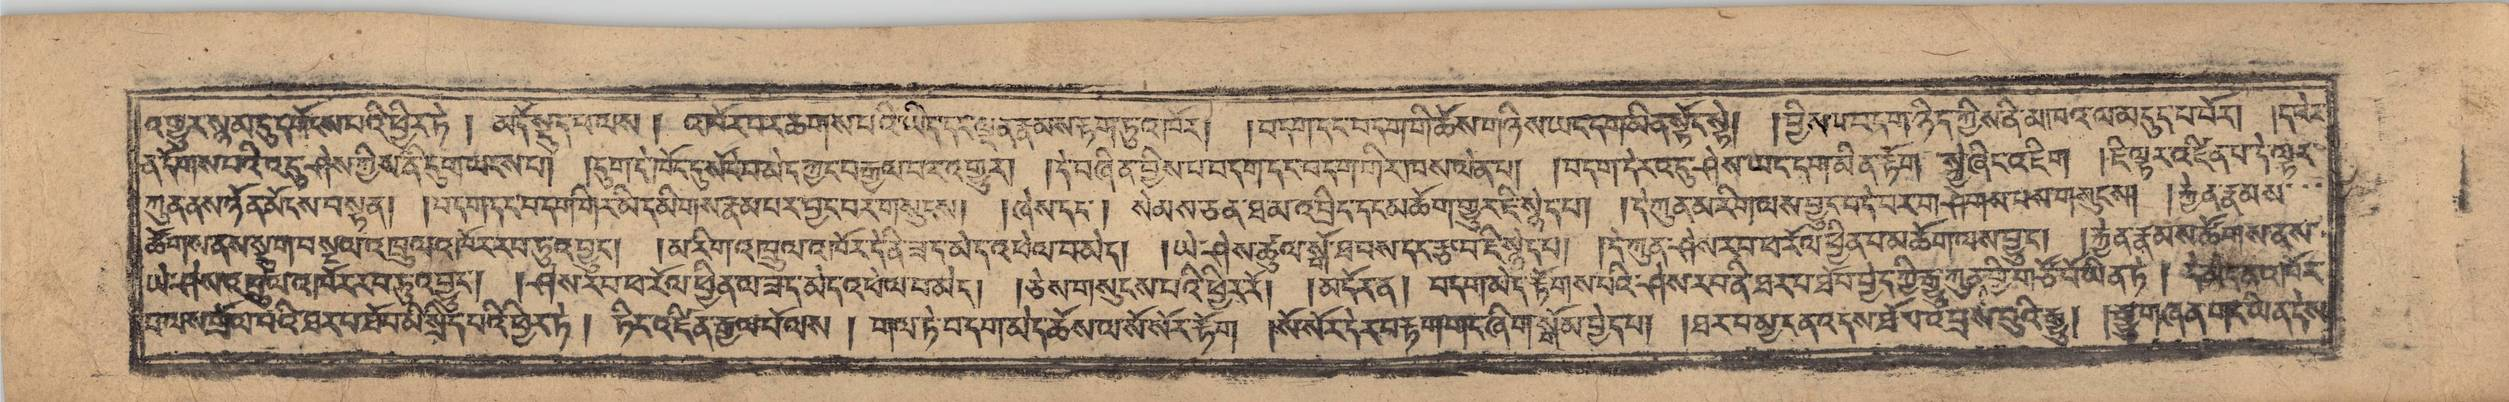འགྱུར་སྙམ་དུ་དགོངས་པའི་ཕྱིར་ཏེ། མདོ་སྡུད་པ་ལས། འཁོར་བར་ཆགས་པའི་ཡིད་དང་ལྡན་རྣམས་རྟག་ཏུ་འཁོར། །བདག་དང་བདག་གི་ཆོས་གཉིས་ཡང་དག་མིན་སྟོང་སྟེ། །ཁྱིམ་པ་བདག་ཉིད་ཀྱིས་ནི་མཁའ་ལ་མདུད་པ་པོར། །དཔེར་
ན་དོགས་པའི་འདུ་ཤེས་ཀྱིས་ནི་དུག་ལངས་པ། །དུག་དེ་ཁོང་དུ་སོང་བ་མེད་ཀྱང་བརྒྱལ་བར་འགྱུར། །དེ་བཞིན་བྱིས་པ་བདག་དང་བདག་གིར་ཁས་ལེན་པ། །བདག་དེར་འདུ་ཤེས་ཡང་དག་མིན་རྟོག་སྐྱེ་ཞིང་འཇིག །ཇི་ལྟར་འཛིན་པ་དེ་ལྟར་
ཀུན་ནས་ཉོན་མོངས་བསྟན། །བདག་དང་བདག་གིར་མི་དམིགས་རྣམ་པར་བྱང་བར་གསུངས། །ཞེས་དང་། སེམས་ཅན་ཐ་མ་འབྲིང་དང་མཆོག་གྱུར་ཇི་སྙེད་པ། །དེ་ཀུན་མ་རིག་ལས་བྱུང་བདེ་བར་གཤེགས་པས་གསུངས། །རྐྱེན་རྣམས་
ཚོགས་ནས་སྡུག་བསྔལ་འཁྲུལ་འཁོར་རབ་ཏུ་འབྱུང་། །མ་རིག་འཁྲུལ་འཁོར་དེ་ནི་ཟད་མེད་འཕེལ་བ་མེད། །ཡེ་ཤེས་ཚུལ་སྒོ་ཐབས་དང་རྩ་བ་ཇི་སྙེད་པ། །དེ་ཀུན་?་ཤེས་རབ་ཕ་རོལ་ཕྱིན་པ་མཆོག་པར་གྱུར། །རྐྱེན་རྣམས་ཚོགས་ནས་
ཡེ་ཤེས་འཁྲུལ་འཁོར་རབ་ཏུ་འབྱུང་། །ཤེས་རབ་ཕ་རོལ་ཕྱིན་ལ་ཟད་མེད་འཕེལ་བ་མེད། །ཅེས་གསུངས་པའི་ཕྱིར་རོ། །མདོར་ན། བདག་མེད་རྟོགས་པའི་ཤེས་རབ་ནི་ཐར་པ་ཐོབ་བྱེད་ཀྱི་རྒྱུ་བྱེད་ཀྱི་གཙོ་བོ་ཡིན་ཏེ། དེ་མེད་ན་འཁོར་
བ་ལས་གྲོལ་བའི་ཐར་པ་ཐོབ་མི་སྲིད་པའི་ཕྱིར་ཏེ། ཏིང་འཛིན་རྒྱལ་པོ་ལས། གལ་ཏེ་བདག་མེད་ཆོས་ལ་སོ་སོར་རྟོག །སོ་སོར་དེར་བརྟག་གང་ཞིག་སྒོམ་བྱེད་པ། །ཐར་པ་མྱ་ངན་འདས་ཐོབ་འབྲས་བུའི་རྒྱུ། །རྒྱུ་གཞན་གང་ཡིན་དེས་